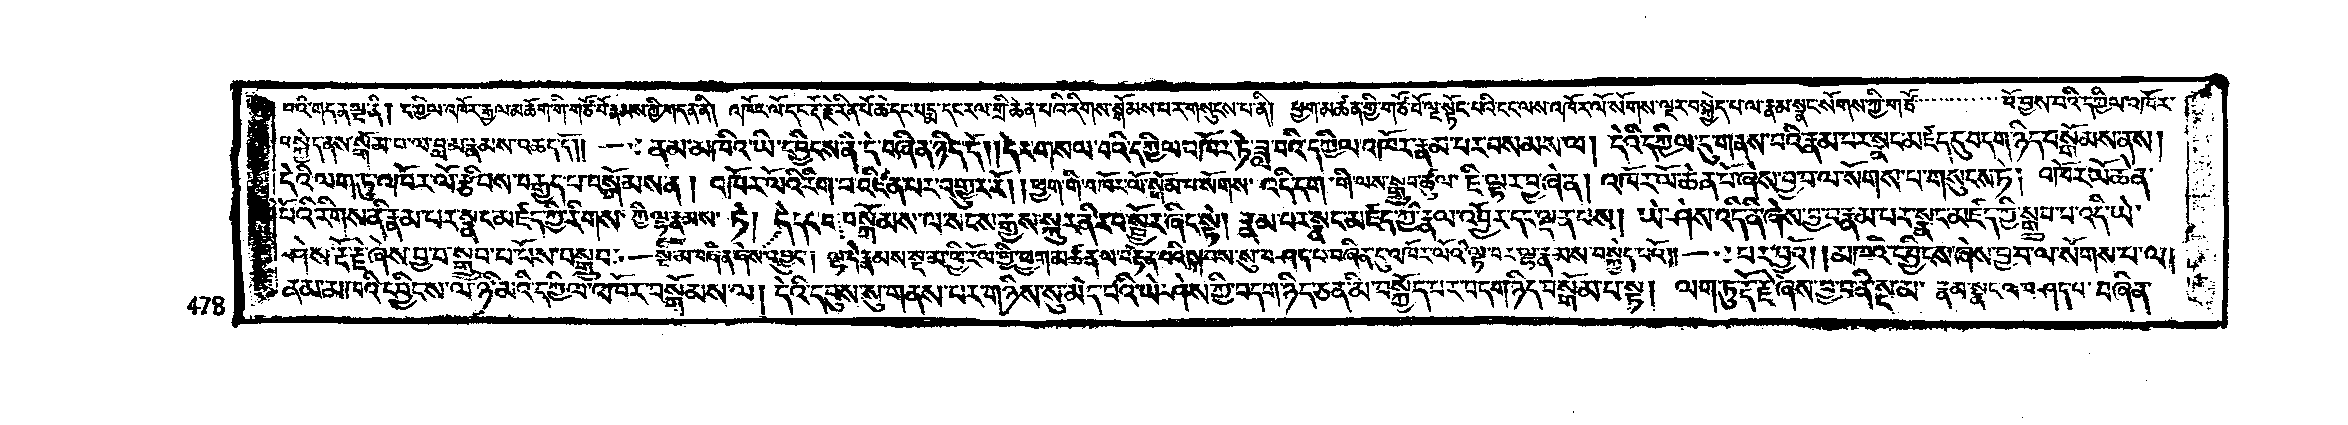པའི་གདན་ལྔ་ནི། དཀྱིལ་འཁོར་རྒྱལ་མཆོག་གི་གཙོ་བོ་རྣམས་ཀྱི་གདན་ནི། འཁོར་ལོ་དང་རྡོ་རྗེ་དང་རིན་པོ་ཆེ་དང་པདམ་དང་རལ་གྲི་ཆེན་པོའི་རིགས་སྒོམ་པར་གསུངས་པ་ནི། ཕྱག་མཚན་གྱི་གཙོ་བོ་ལྔ་སྟོང་པའི་ངང་ལས་འཁོར་ལོ་སོགས་ལྔར་བསྐྱེད་པ་ལ་རྣམ་སྣང་སོགས་ཀྱི་གཙོ་བོ་བྱས་པའི་དཀྱིལ་འཁོར་
བསྐྱེད་ནས་སྒོམ་པ་ལ་བླ་མ་རྣམས་འཆད་དོ།། .H ནམ་མཁའ་ཡི་དབྱིངས་ནི་དེ་བཞིན་ཉིད་དོ། །དེར་གསལ་བའི་དཀྱིལ་འཁོར་ཏེ་ཟླ་བའི་དཀྱིལ་འཁོར་རྣམ་པར་བསམས་ལ། དེའི་དཀྱིལ་དུ་གནས་པའི་རྣམ་པར་སྣང་མཛད་དུ་བདག་ཉིད་བསྒོམས་ནས།
དེའི་ལག་ཏུ་འཁོར་ལོ་རྩིབས་བརྒྱད་པ་བསྒོམས་ན། འཁོར་ལོའི་རིག་པ་འཛིན་པར་འགྱུར་རོ། ། ཕྱག་གི་འཁོར་ལོ་སྒོམ་པ་སོགས་འདི་དག་གི་ལས་སྒྲུབ་ཚུལ་ཇི་ལྟར་བྱ་ཞེ་ན། འཁོར་ལོ་ཆེན་པོ་ཞེས་བྱ་བ་ལ་སོགས་པ་གསུངས་ཏེ། འཁོར་ལོ་ཆེན་
པོའི་རིགས་ནི་རྣམ་པར་སྣང་མཛད་ཀྱི་རིགས་ཀྱི་ལྷ་རྣམས་ཏེ། དེ་དང་པོ་བསྒོམས་ལ་སངས་རྒྱས་སྐུར་ནི་རབ་སྦྱོར་ཞིང་སྟེ། རྣམ་པར་སྣང་མཛེད་ཀྱི་རྣལ་འབྱོར་དང་ལྡན་པས། ཡེ་ཤེས་འདི་ནི་ཞེས་བྱ་བ་རྣམ་པར་སྣང་མཛད་ཀྱི་སྒྲུབ་པ་འདི་ཡེ་
ཤེས་རྡོ་རྗེ་ཞེས་བྱ་བ་སྒྲུབ་པ་པོས་བསྒྲུབ་H.་ཆག་སྔ་མ་བཞིན་ཞེས་འབྱུང་། ལྷ་དེ་རྣམས་སྔ་མ་ཕྱི་རོལ་གྱི་ཕྱག་མཚན་ལ་བརྟེན་པའི་སྐབས་སུ་བཤད་པ་བཞིན་དུ་འཁོར་ལོའི་ལྟེ་བར་ལྷ་རྣམས་བསྐྱེད་པའོ།། .H པར་བྱའོ། །མཁའི་དབྱིངས་ཞེས་བྱ་བ་ལ་སོགས་པ་ལ།
ནམ་མཁའི་དབྱིངས་ལ་ཉི་མའི་དཀྱིལ་འཁོར་བསྒོམས་ལ། དེའི་དབུས་སུ་གནས་པར་གཉིས་སུ་མེད་པའི་ཡེ་ཤེས་ཀྱི་བདག་ཉིད་ཅན་མི་བསྐྱོད་པར་བདག་ཉིད་བསྒོམ་པ་སྟེ། ལག་ཏུ་རྡོ་རྗེ་ཞེས་བྱ་བ་ནི་སྔ་མ་རྣམ་སྣང་ལ་བཤད་པ་བཞིན་